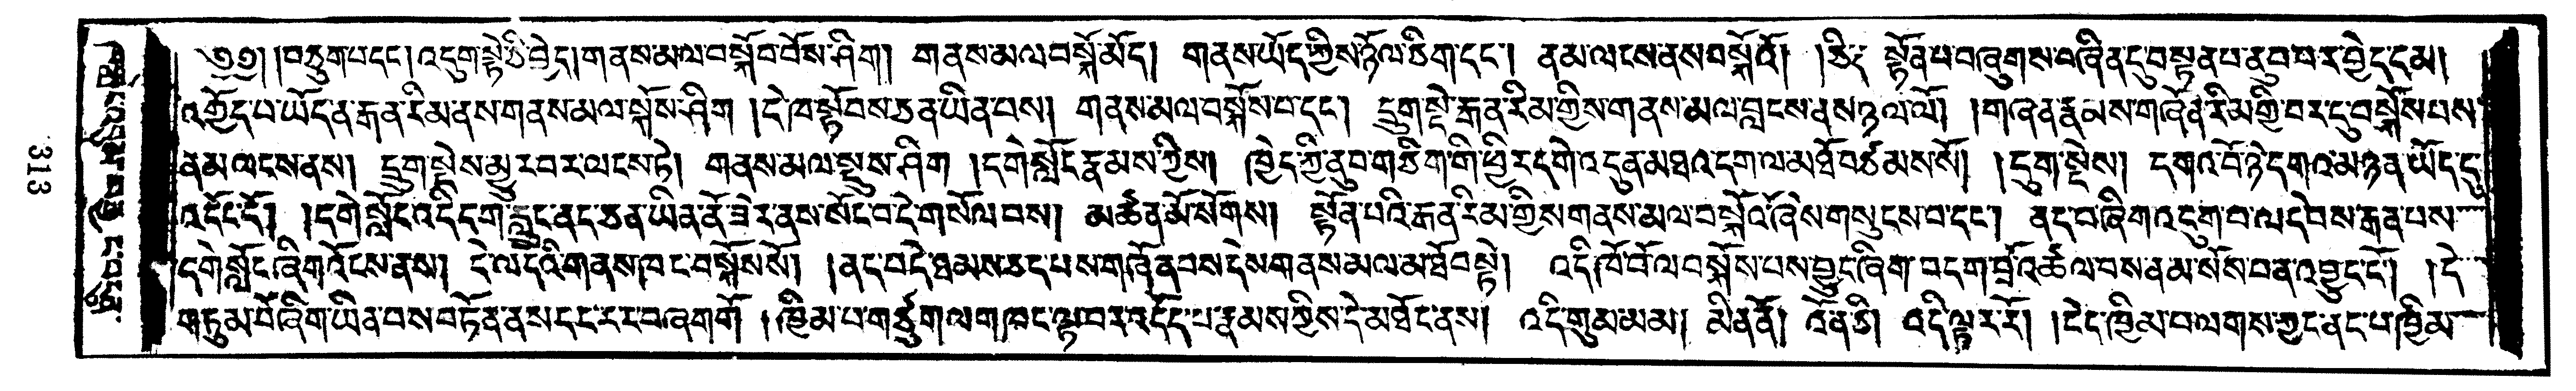༄༅། །བཅུག་པ་དང་། འདུག་སྟེ་ཅི་བྱེད། གནས་མལ་བསྐོབ་བོས་ཤིག། གནས་མལ་བསྐོ་མོད། གནས་ཡོད་ཀྱིས་ཉོལ་ཅིག་དང་། ནམ་ལངས་ནས་བསྐོའོ། །ཅི༑ སྟོན་པ་བཞུགས་བཞིན་དུ་བསྟན་པ་ནུབ་པར་བྱེད་དམ། །
འགྱོད་པ་ཡོད་ན་རྒན་རིམ་ནས་གནས་མལ་སྐོས་ཤིག །དེ་ཁ་སྟོབས་ཅན་ཡིན་པས། གནས་མལ་བསྐོས་པ་དང་། དྲུག་སྡེ་རྒན་རིམ་གྱིས་གནས་མལ་བླངས་ནས་ཉལ་ལོ། །གཞན་རྣམས་གཞོན་རིམ་གྱི་བར་དུ་བསྐོས་པས་
ནམ་ལངས་ནས། དྲུག་སྡེས་མྱུར་བར་ལངས་ཏེ། གནས་མལ་སྡུས་ཤིག །དགེ་སློང་རྣམས་ཀྱིས། ཁྱེད་ཀྱི་ནུབ་གཅིག་གི་ཕྱིར་དགེ་འདུན་མཐའ་དག་ལ་མཐོ་བཙམས་སོ། །དུག་སྡེས། དགའ་བོ་ཉེ་དགའ་མཉན་ཡོད་དུ་
འདོང་དོ། །དགེ་སློང་འདི་དག་རླུང་ནད་ཅན་ཡིན་ནོ་ཟེར་ནས་སོང་བ་དེ་གསོལ་བས། མཚན་མོ་སོགས། སྟོན་པའི་རྒན་རིམ་གྱིས་གནས་མལ་བསྐོའོ་ཞེས་གསུངས་པ་དང་། ནད་པ་ཞིག་འདུག་པ་ལ་དེབས་རྒན་པས་
དགེ་སློང་ཞིག་འོངས་ནས། དེ་ལ་དའི་གནས་ཁང་བསྐོས་སོ། །ནད་བ་དེ་ཐམས་ཅད་པས་གཞོན་པས་དེས་གནས་མལ་མ་ཐོབ་སྟེ། འདི་ཁོ་བོ་ལ་བསྐོས་པས་བྱུང་ཞིག། བདག་བྲོ་འཚལ་བས་ནམ་སོས་བས་ན་འབྱུང་ངོ། །དེ་
གཏུམ་བོ་ཞིག་ཡིན་པས་བཏོན་ནས་དང་རང་བཞག་གོ །ཁྱིམ་པ་གཙུག་ལག་ཁང་ལྟ་བར་འདོད་པ་རྣམས་ཀྱིས་དེ་མཐོང་ནས། འདི་གུམ་མམ། མིན་ནོ། འོ་ན་ཅི། འདི་ལྟར་རོ། །ངེད་ཁྱིམ་པ་ལགས་ཀྱང་ནང་པ་ཁྱིམ་